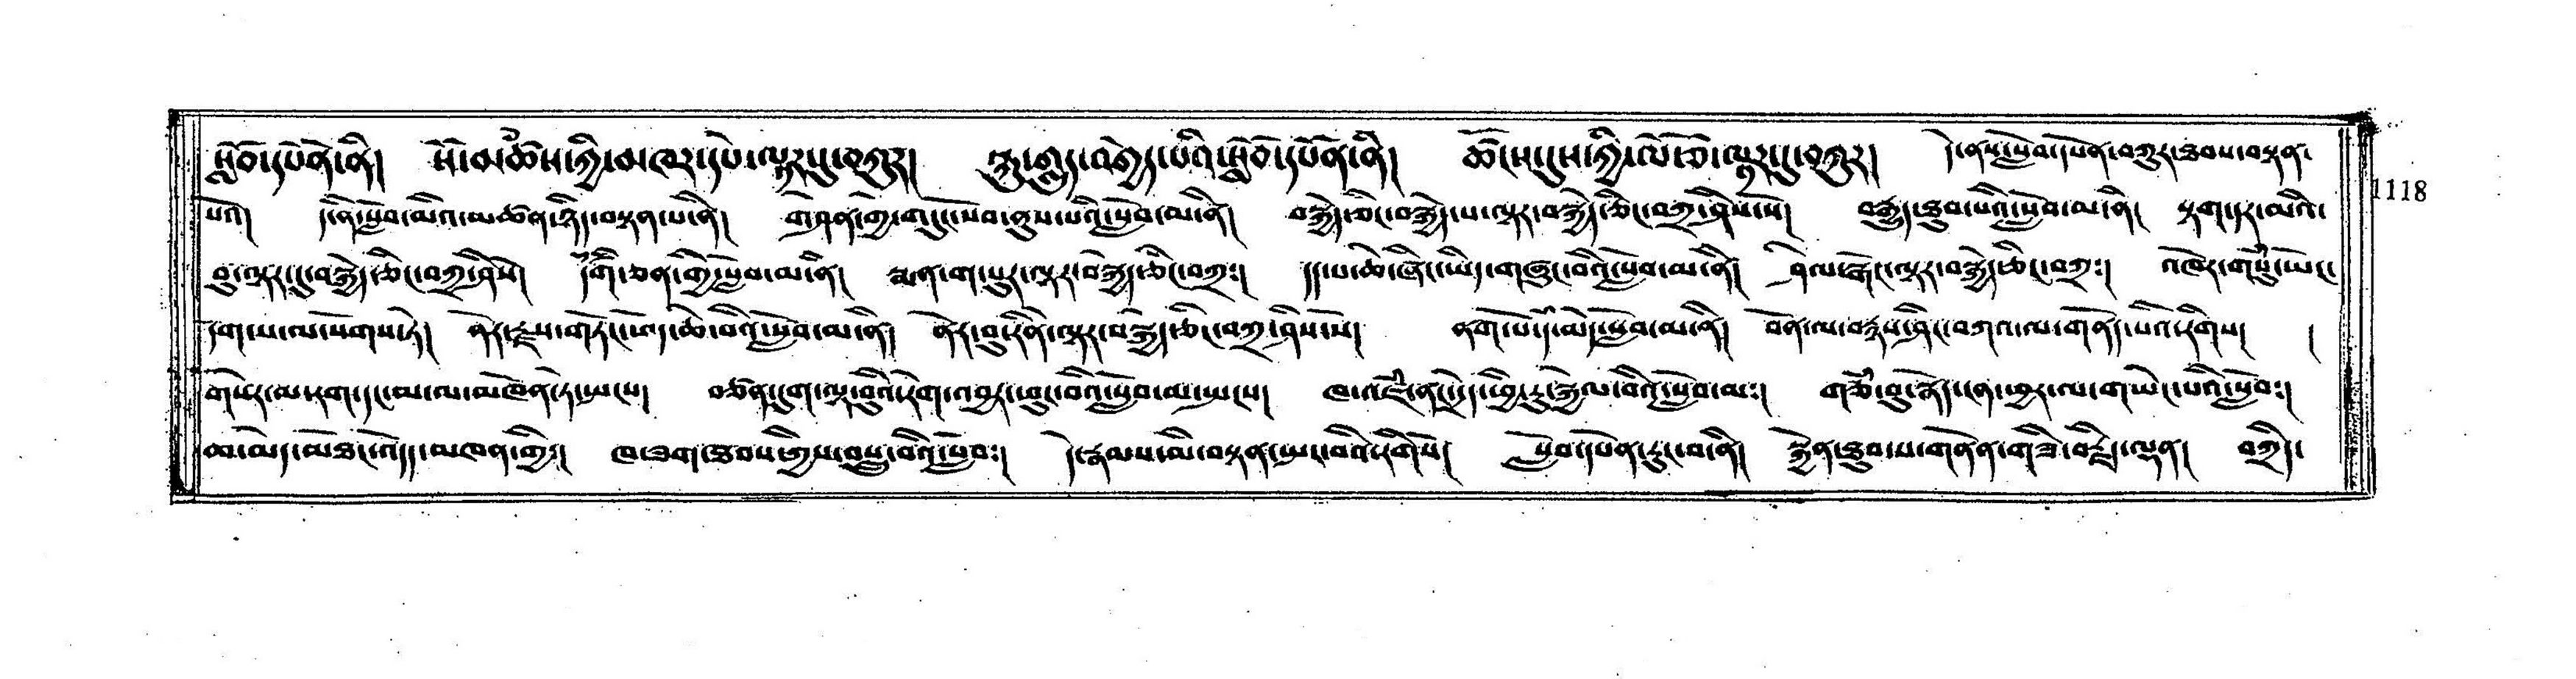སློབ་དཔོན་ནི། སོ་མཚམས་ཀྱི་མཁར་དཔེ་ལྟར་དུ་བཀུར། སྐུ་གླུད་འགྱེད་པའི་སློབ་དཔོན་ནི། ཚོང་འདུས་ཀྱི་ལོ་ཙ་ལྟར་དུ་བཀུར། དེ་ནས་སློབ་དཔོན་བཀུར་ཐབས་བསྟན་
པའོ། ད་ནི་སློབ་མའི་མཚན་ཉིད་བསྟན་པ་ནི། གཤེན་གྱི་གདུང་སོབ་ནུས་པའི་སློབ་མ་ནི། བསྐྱེད་ཅིང་བསྐྱེད་པ་ལྟར་བསྐྱེད་ཅིང་བཀྲ་ཤིས་སོ། བརྒྱུད་ཐུབ་པའི་སློབ་མ་ནི། སྟག་དར་མའི་
བུ་ལྟར་དུ་བསྐྱེད་ཅིང་བཀྲ་ཤིས་སོ། དམ་ཚིག་ཅན་གྱི་སློབ་མ་ནི། སྨན་ག་པུར་ལྟར་བསྐྱེད་ཅིང་བཀྲ༴། དད་པ་ཆེ་ཞིང་ཡིད་གཞུང་བའི་སློབ་མ་ནི། ཤེལ་སྒོང་ལྟར་བསྐྱེད་ཅིང་བཀྲ༴། འཁོར་གསུམ་ཡོང་
དག་ལ་སོགས་ཏེ། ནོར་རྫས་གཏོང་ཕོད་ཆེ་བའི་སློབ་མ་ནི། ནོར་བུ་རིན་ཆེན་ལྟར་བསྐྱེད་ཅིང་བཀྲ་ཤིས་སོ། ནག་པོ་དམ་མེད་སློབ་མ་ནི། བོན་ལ་བརྙས་ཤིང་བཀའ་ལ་གནོད་པའི་རིགས། 
གསེར་མ་རག་དང་མ་ལ་མཁོན་ཏེ་སྤངས། {1139} བཙན་དུག་ལྟ་བུའི་རེག་འབྱར་ཕུང་བའི་སློབ་མ་སྤངས་ཁ་འཇམ་ནང་དྲེད་ཕྱི་རུ་སྐྱེལ་བའི་སློབ་མ༴། གཅམ་བུ་སྣོད་ངན་ཕྱར་ལ་གཡེང་པའི་སློབ༴། 
ཆ་མེད་མཐོང་འདོད་མཁན་གྱི་༴། ཁ་ཟག་ཐབས་ཀྱིས་བསླུ་བའི་སློབ༴། དེ་རྣམས་མི་བསྟན་སྤང་བའི་རིགས་སོ།། སློབ་དཔོན་རུང་བ་ནི། སྐྱོན་ཐུབ་པ་གཤེན་གཟི་བརྗིད་ལྡན། བཀྲིད་